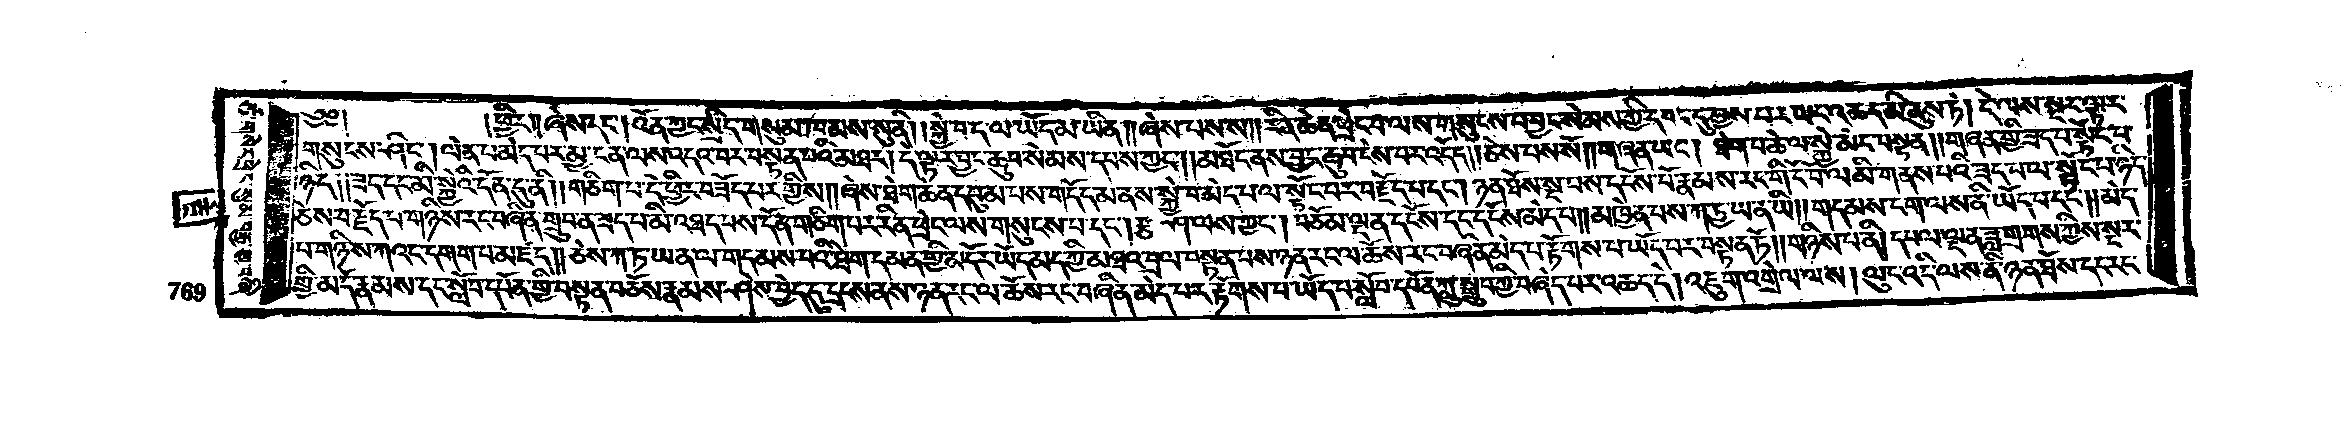༄༅། །ཕྱིར། །ཞེས་དང་། འོན་ཀྱང་སྲིད་གསུམ་ཁམས་སུ་ནི། །སྐྱེ་བ་དེ་ལ་ཡོད་མ་ཡིན། །ཞེས་པས་ས། །རིན་ཆེན་ཕྲེང་བ་ལས་གསུངས་པ་བྱང་སེམས་ཀྱི་དབང་དུ་བྱས་པར་ཡང་འཆད་མི་ནུས་ཏེ། དེ་ལས་སྔར་ལྟར་
གསུངས་ཤིང་། ལེན་པ་མེད་པར་མྱ་ངན་ལས་འདའ་བར་བསྟན་པའི་མཐར། དེ་ལྟར་བྱང་ཆུབ་སེམས་དཔས་ཀྱང་། །མཐོང་ནས་བྱང་ཆུབ་ངེས་པར་འདོད། །ཅེས་པས་སོ། །གཞན་ཡང་། ཐེག་པ་ཆེ་ལ་སྐྱེ་མེད་བསྟན། །གཞན་གྱི་ཟད་པ་སྟོང་པ་
ཉིད། །ཟད་དང་མི་སྐྱེའི་དོན་དུ་ནི། །གཅིག་པ་དེ་ཕྱིར་བཟོད་པར་གྱིས། །ཞེས་ཐེག་ཆེན་དབུ་མ་པས་གདོད་མ་ནས་སྐྱེ་བ་མེད་པ་ལ་སྟོང་པར་བརྗོད་པ་དང་། ཉན་ཐོས་སྡེ་པས་དངོས་པོ་རྣམས་རང་གི་ངོ་བོ་ལ་མི་གནས་པའི་ཟད་པ་ལ་སྟོང་པ་ཉིད་
ཅེས་བརྗོད་པ་གཉིས་རང་བཞིན་གྲུབ་ན་ཟད་པ་མི་འཐད་པས་དོན་གཅིག་པར་རིན་ཕྲེང་ལས་གསུངས་པ་དང་། རྩ་ཤ་ལས་ཀྱང་། བཅོམ་ལྡན་དངོས་དང་དངོས་མེད་པ། །མཁྱེན་པས་ཀ་ཏྱ་ཡ་ན་ཡི། །གདམས་ངག་ལས་ནི་ཡོད་པ་དང་། །མེད་
པ་གཉིས་ཀའང་དགག་པ་མཛད། །ཅེས་ཀ་ཏ་ཡ་ན་ལ་གདམས་པའི་ཐེག་དམན་གྱི་མདོར་ཡོད་མེད་ཀྱི་མཐའ་བྲལ་བསྟན་པས་ཉན་རང་ནི། དཔལ་ལྡན་ཟླ་གྲགས་ཀྱིས་སྔར་ནི། དཔལ་ལྡན་ཟླ་གྲགས་ཀྱིས་སྔར་
གྱི་མདོ་རྣམས་དང་སློབ་དཔོན་གྱི་བསྟན་བཅོས་རྣམས་ཤེས་བྱེད་དུ་དྲངས་ནས་ཉན་རང་ལ་ཆོས་རང་བཞིན་མེད་པར་རྟོགས་པ་ཡོད་པ་སློབ་དཔོན་ཀླུ་སྒྲུབ་ཀྱི་བཞེད་པར་འཆད་དེ། འཇུག་འགྲེལ་ལས། ལུང་འདི་ལས་ནི་ཉན་ཐོས་དང་རང་